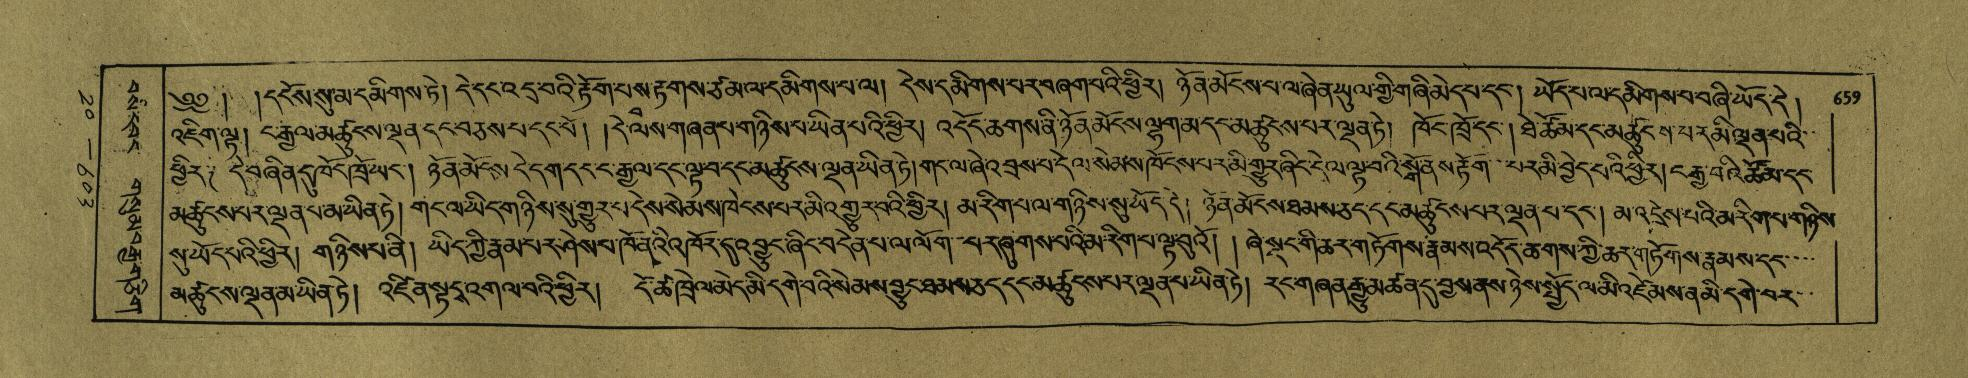༄༅། །དངོས་སུ་མ་དམིགས་ཏེ། དེ་དང་འདྲ་བའི་རྟོག་པས་རྟགས་ཙམ་ལ་དམིགས་པ་ལ། དེས་དམིགས་པར་བཞག་པའི་ཕྱིར། ཉོན་མོངས་པ་ལ་ཞེན་ཡུལ་གྱི་གཞི་མེད་པ་དང་། ཡོད་པ་ལ་དམིགས་པ་བཞི་ཡོད་དེ།
འཇིག་ལྟ། ང་རྒྱལ་མཚུངས་ལྡན་དང་བཅས་པ་དང་པོ། །དེ་ལས་གཞན་པ་གཉིས་པ་ཡིན་པའི་ཕྱིར། འདོད་ཆགས་ནི་ཉོན་མོངས་ལྷག་མ་དང་མཚུངས་པར་ལྡན་ཏེ། ཁོང་ཁྲོ་དང་། ཐེ་ཚོམ་དང་མཚུངས་པར་མི་ལྡན་པའི་
ཕྱིར༑ དེ་བཞིན་དུ་ཁོང་ཁྲོ་ཡང་། ཉོན་མོངས་དེ་དག་དང་ང་རྒྱལ་དང་ལྟ་བ་དང་མཚུངས་ལྡན་ཡིན་ཏེ། གང་ལ་ཞེ་འབྲས་པ་དེ་ལ་སེམས་ཁོངས་པར་མི་གྱུར་ཞིང་དེ་ལ་ལྟ་བའི་སྒོ་ནས་རྟོག་པར་མི་བྱེད་པའི་ཕྱིར། ང་རྒྱལ་ཐེ་ཚོམ་དང་
མཚུངས་པར་ལྡན་པ་མ་ཡིན་ཏེ། གང་ལ་ཡིད་གཉིས་སུ་གྱུར་པ་དེས་སེམས་ཁེངས་པར་མི་འགྱུར་བའི་ཕྱིར། མ་རིག་པ་ལ་གཉིས་སུ་ཡོད་དེ། ཉོན་མོངས་ཐམས་ཅད་དང་མཚུངས་པར་ལྡན་པ་དང་། མ་འདྲེས་པའི་མ་རིག་པ་གཉིས་
སུ་ཡོད་པའི་ཕྱིར། གཉིས་པ་ནི། ཡིད་ཀྱི་རྣམ་པར་ཤེས་པ་ཁོ་ནའི་འཁོར་དུ་འབྱུང་ཞིང་བདེན་པ་ལ་ལོག་པར་ཞུགས་པའི་མ་རིག་པ་ལྟ་བུའོ། །ཞེ་སྡང་གི་ཆར་གཏོགས་རྣམས་འདོད་ཆགས་ཀྱི་ཆར་གཏོགས་རྣམས་དང་
མཚུངས་ལྡན་མ་ཡིན་ཏེ། འཛིན་སྟངས་འགལ་བའི་ཕྱིར། དེ་ཚ་ཁྲེལ་མེད་མི་དགེ་བའི་སེམས་བྱུང་ཐམས་ཅད་དང་མཚུངས་པར་ལྡན་པ་ཡིན་ཏེ། རང་གཞན་རྒྱུ་མཚན་དུ་བྱས་ནས་ཉེས་སྤྱོད་ལ་མི་འཛེམས་ན་མི་དགེ་བར་